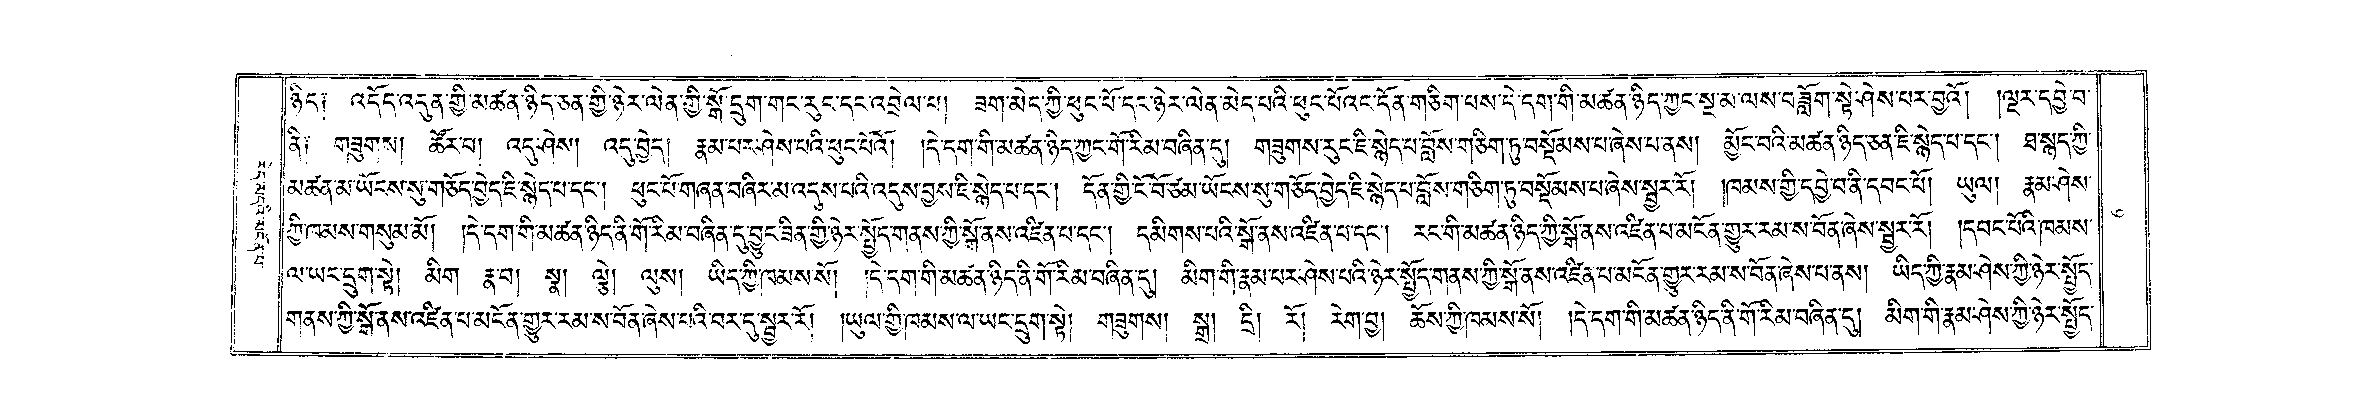ཉིད༑ འདོད་འདུན་གྱི་མཚན་ཉིད་ཅན་གྱི་ཉེར་ལེན་གྱི་སྒོ་དྲུག་གང་རུང་དང་འབྲེལ་པ། ཟག་མེད་ཀྱི་ཕུང་པོ་དང་ཉེར་ལེན་མེད་པའི་ཕུང་པོའང་དོན་གཅིག་པས་དེ་དག་གི་མཚན་ཉིད་ཀྱང་སྔ་མ་ལས་བཟློག་སྟེ་ཤེས་པར་བྱའོ། །ལྔར་དབྱེ་བ་
ནི༑ གཟུགས། ཚོར་བ། འདུ་ཤེས། འདུ་བྱེད། རྣམ་པར་ཤེས་པའི་ཕུང་པོའོ། །དེ་དག་གི་མཚན་ཉིད་ཀྱང་གོ་རིམ་བཞིན་དུ། གཟུགས་རུང་ཇི་སྙེད་པ་བློས་གཅིག་ཏུ་བསྡོམས་པ་ཞེས་པ་ནས། མྱོང་བའི་མཚན་ཉིད་ཅན་ཇི་སྙེད་པ་དང་། ཐ་སྙད་ཀྱི་
མཚན་མ་ཡོངས་སུ་གཅོད་བྱེད་ཇི་སྙེད་པ་དང་། ཕུང་པོ་གཞན་བཞིར་མ་འདུས་པའི་འདུས་བྱས་ཇི་སྙེད་པ་དང་། དོན་གྱི་ངོ་བོ་ཙམ་ཡོངས་སུ་གཅོད་བྱེད་ཇི་སྙེད་པ་བློས་གཅིག་ཏུ་བསྡོམས་པ་ཞེས་སྦྱར་རོ། །ཁམས་ཀྱི་དབྱེ་བ་ནི་དབང་པོ། ཡུལ། རྣམ་ཤེས་
ཀྱི་ཁམས་གསུམ་མོ། །དེ་དག་གི་མཚན་ཉིད་ནི་གོ་རིམ་བཞིན་དུ་བྱུང་ཟིན་གྱི་ཉེར་སྤྱོད་གནས་ཀྱི་སྒོ་ནས་འཛིན་པ་དང་། དམིགས་པའི་སྒོ་ནས་འཛིན་པ་དང་། རང་གི་མཚན་ཉིད་ཀྱི་སྒོ་ནས་འཛིན་པ་མངོན་གྱུར་རམ་ས་བོན་ཞེས་སྦྱར་རོ། །དབང་པོའི་ཁམས་
ལ་ཡང་དྲུག་སྟེ། མིག་རྣ་བ། སྣ། ལྕེ། ལུས། ཡིད་ཀྱི་ཁམས་སོ། །དེ་དག་གི་མཚན་ཉིད་ནི་གོ་རིམ་བཞིན་དུ། མིག་གི་རྣམ་པར་ཤེས་པའི་ཉེར་སྤྱོད་གནས་ཀྱི་སྒོ་ནས་འཛིན་པ་མངོན་གྱུར་རམ་ས་བོན་ཞེས་པ་ནས། ཡིད་ཀྱི་རྣམ་ཤེས་ཀྱི་ཉེར་སྤྱོད་
གནས་ཀྱི་སྒོ་ནས་འཛིན་པ་མངོན་གྱུར་རམ་ས་བོན་ཞེས་པའི་བར་དུ་སྦྱར་རོ། །ཡུལ་གྱི་ཁམས་ལ་ཡང་དྲུག་སྟེ། གཟུགས། སྒྲ། དྲི། རོ། རེག་བྱ། ཆོས་ཀྱི་ཁམས་སོ། །དེ་དག་གི་མཚན་ཉིད་ནི་གོ་རིམ་བཞིན་དུ། མིག་གི་རྣམ་ཤེས་ཀྱི་ཉེར་སྤྱོད་